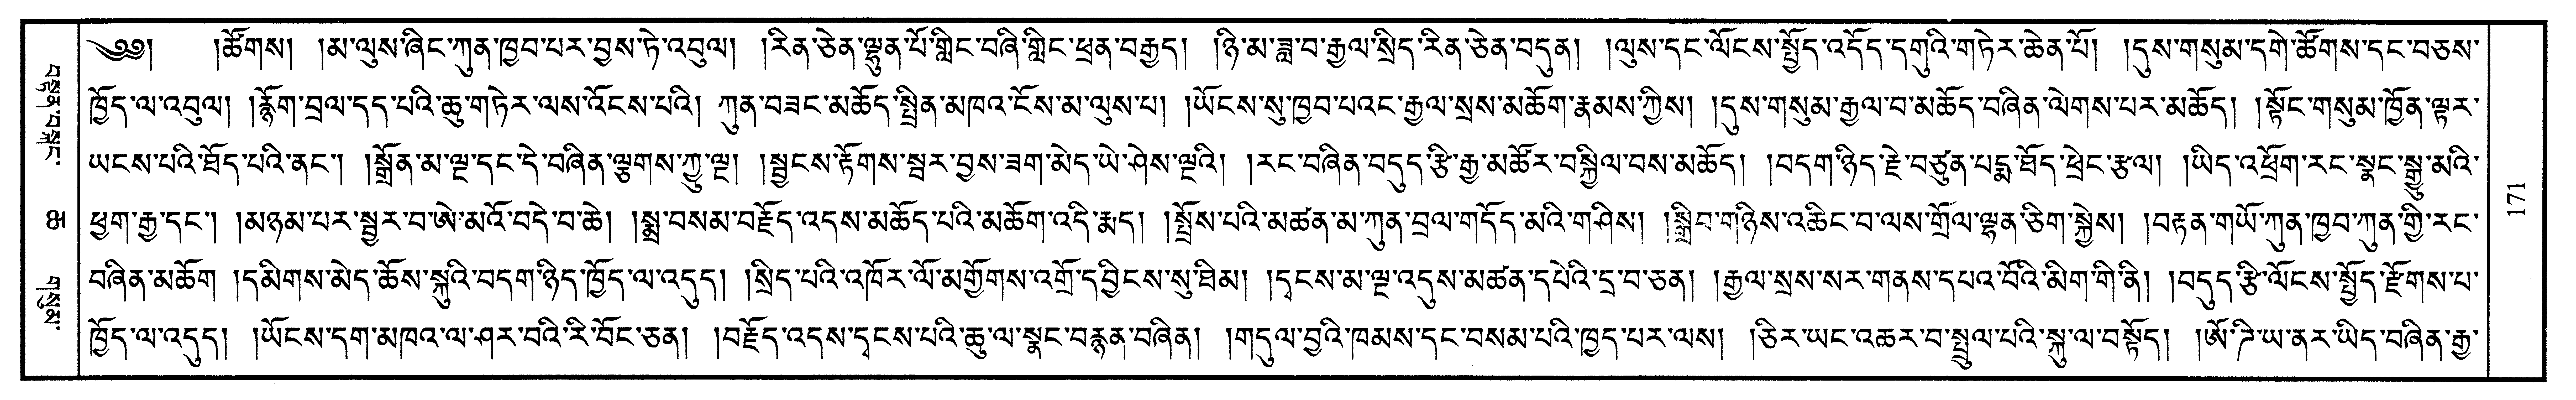༄༅། །ཚོགས། །མ་ལུས་ཞིང་ཀུན་ཁྱབ་པར་བྱས་ཏེ་འབུལ། །རིན་ཅེན་ལྷུན་པོ་གླིང་བཞི་གླིང་ཕྲན་བརྒྱད། །ཉི་མ་ཟླ་བ་རྒྱལ་སྲིད་རིན་ཅེན་བདུན། །ལུས་དང་ལོངས་སྤྱོད་འདོད་དགུའི་གཏེར་ཆེན་པོ། །དུས་གསུམ་དགེ་ཚོགས་དང་བཅས་
ཁྱོད་ལ་འབུལ། །རྙོག་བྲལ་དད་པའི་ཆུ་གཏེར་ལས་འོངས་པའི། །ཀུན་བཟང་མཆོད་སྤྲིན་མཁའ་ངོས་མ་ལུས་པ། །ཡོངས་སུ་ཁྱབ་པའང་རྒྱལ་སྲས་མཆོག་རྣམས་ཀྱིས། །དུས་གསུམ་རྒྱལ་བ་མཆོད་བཞིན་ལེགས་པར་མཆོད། །སྟོང་གསུམ་ཁྱོན་ལྟར་
ཡངས་པའི་ཐོད་པའི་ནང་། །སྒྲོན་མ་ལྔ་དང་དེ་བཞིན་ལྕགས་ཀྱུ་ལྔ། །སྦྱངས་རྟོགས་སྦར་བྱས་ཟག་མེད་ཡེ་ཤེས་ལྔའི། །རང་བཞིན་བདུད་རྩི་རྒྱ་མཚོར་བསྐྱིལ་བས་མཆོད། །བདག་ཉིད་རྗེ་བཙུན་པདམ་ཐོད་ཕྲེང་རྩལ། །ཡིད་འཕྲོག་རང་སྣང་སྒྱུ་མའི་
ཕྱག་རྒྱ་དང་། །མཉམ་པར་སྦྱར་བ་ཨེ་མའོ་བདེ་བ་ཆེ། །སྨྲ་བསམ་བརྗོད་འདས་མཆོད་པའི་མཆོག་འདི་རྨད། །སྤྲོས་པའི་མཚན་མ་ཀུན་བྲལ་གདོད་མའི་གཤིས། །སྒྲིབ་གཉིས་འཆིང་བ་ལས་གྲོལ་ལྷན་ཅིག་སྐྱེས། །བརྟན་གཡོ་ཀུན་ཁྱབ་ཀུན་གྱི་རང་
བཞིན་མཆོག །དམིགས་མེད་ཆོས་སྐུའི་བདག་ཉིད་ཁྱོད་ལ་འདུད། །སྲིད་པའི་འཁོར་ལོ་མགྱོགས་འགྲོ་དབྱིངས་སུ་ཐིམ། །དྭངས་མ་ལྔ་འདུས་མཚན་དཔེའི་དྲ་བ་ཅན། །རྒྱལ་སྲས་སར་གནས་དཔའ་བོའི་མིག་གི་ནི། །བདུད་རྩི་ལོངས་སྤྱོད་རྫོགས་པ་
ཁྱོད་ལ་འདུད། །ཡོངས་དག་མཁའ་ལ་ཤར་བའི་རི་བོང་ཅན། །བརྗོད་འདས་དྭངས་པའི་ཆུ་ལ་སྣང་བརྙན་བཞིན། །གདུལ་བྱའི་ཁམས་དང་བསམ་པའི་ཁྱད་པར་ལས། །ཅིར་ཡང་འཆར་བ་སྤྲུལ་པའི་སྐུ་ལ་བསྟོད། །ཨོ་ཌི་ཡ་ནར་ཡིད་བཞིན་རྒྱ་